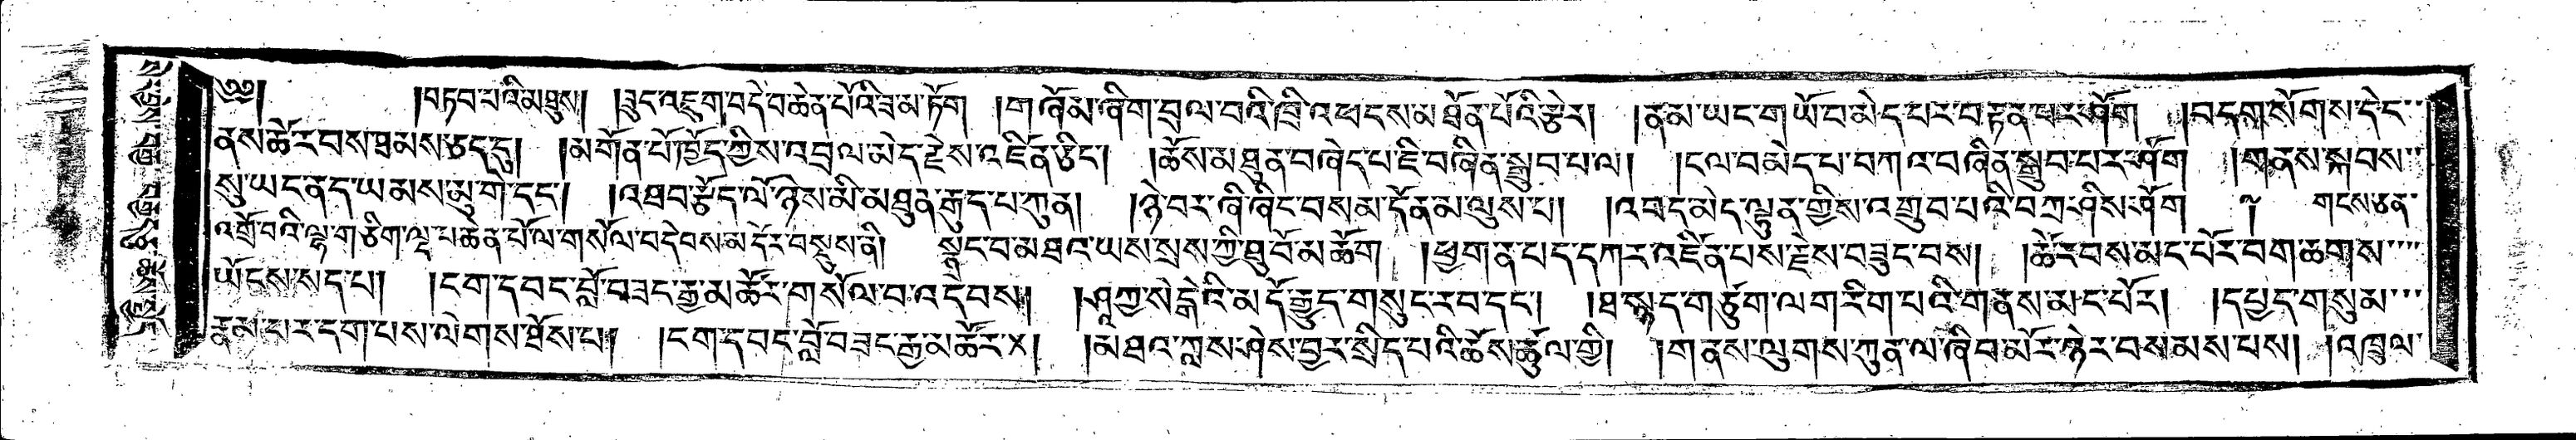༄༅། །བཏབ་པའི་མཐུས། །ཟུང་འཇུག་བདེ་བ་ཆེན་པོའི་ཟ་མ་ཏོག །གཞོམ་ཞིག་བྲལ་བའི་ཁྲི་འཕངས་མཐོན་པོའི་རྩེར། །ནམ་ཡང་གཡོ་བ་མེད་པར་བརྟན་པར་ཤོག །བདག་སོགས་དེང་
ནས་ཚེ་རབས་ཐམས་ཅད་དུ། །མགོན་པོ་ཁྱོད་ཀྱིས་འབྲལ་མེད་རྗེས་འཛིན་ཅིང་། །ཆོས་མཐུན་བཞེད་པ་ཇི་བཞིན་སྒྲུབ་པ་ལ། །ངལ་བ་མེད་པ་བཀའ་བཞིན་སྒྲུབ་པར་ཤོག །གནས་སྐབས་
སུ་ཡང་ནད་ཡམས་མུ་གེ་དང་། །འཐབ་རྩོད་ལོ་ཉེས་མི་མཐུན་རྒུད་པ་ཀུན། །ཉེ་བར་ཞི་ཞིང་བསམ་དོན་མ་ལུས་པ། །འབད་མེད་ལྷུན་གྱིས་འགྲུབ་པའི་བཀྲ་ཤིས་ཤོག ༈ གངས་ཅན་
འགྲོ་བའི་ལྷ་གཅིག་ལྔ་བ་ཆེན་པོ་ལ་གསོལ་བདེབས་མདོར་བསྡུས་ནི། སྣང་བ་མཐའ་ཡས་སྲས་ཀྱི་ཐུ་བོ་མཆོག །ཕྱག་ན་པད་དཀར་འཛིན་པས་རྗེས་བཟུང་བས། །ཚེ་རབས་མང་པོར་བག་ཆགས་
ཡོངས་སད་པ། །ངག་དབང་བློ་བཟང་རྒྱ་མཚོར་གསོལ་བ་འདེབས། །ཤཱཀྱ་སེངྒེའི་མདོ་རྒྱུད་གསུང་རབ་དང་། །ཐ་སྙད་གཙུག་ལག་རིག་པའི་གནས་མང་པོར། །དཔྱད་གསུམ་
རྣམ་པར་དག་པས་ལེགས་ཐོས་པ། །ངག་དབང་བློ་བཟང་རྒྱ་མཚོར་{྾}། །མཐའ་ཀླས་ཤེས་བྱར་སྲིད་པའི་ཆོས་ཚུལ་གྱི། །གནས་ལུགས་ཀུན་ལ་ཞིབ་མོར་ཉེར་བསམས་པས། །འཁྲུལ་